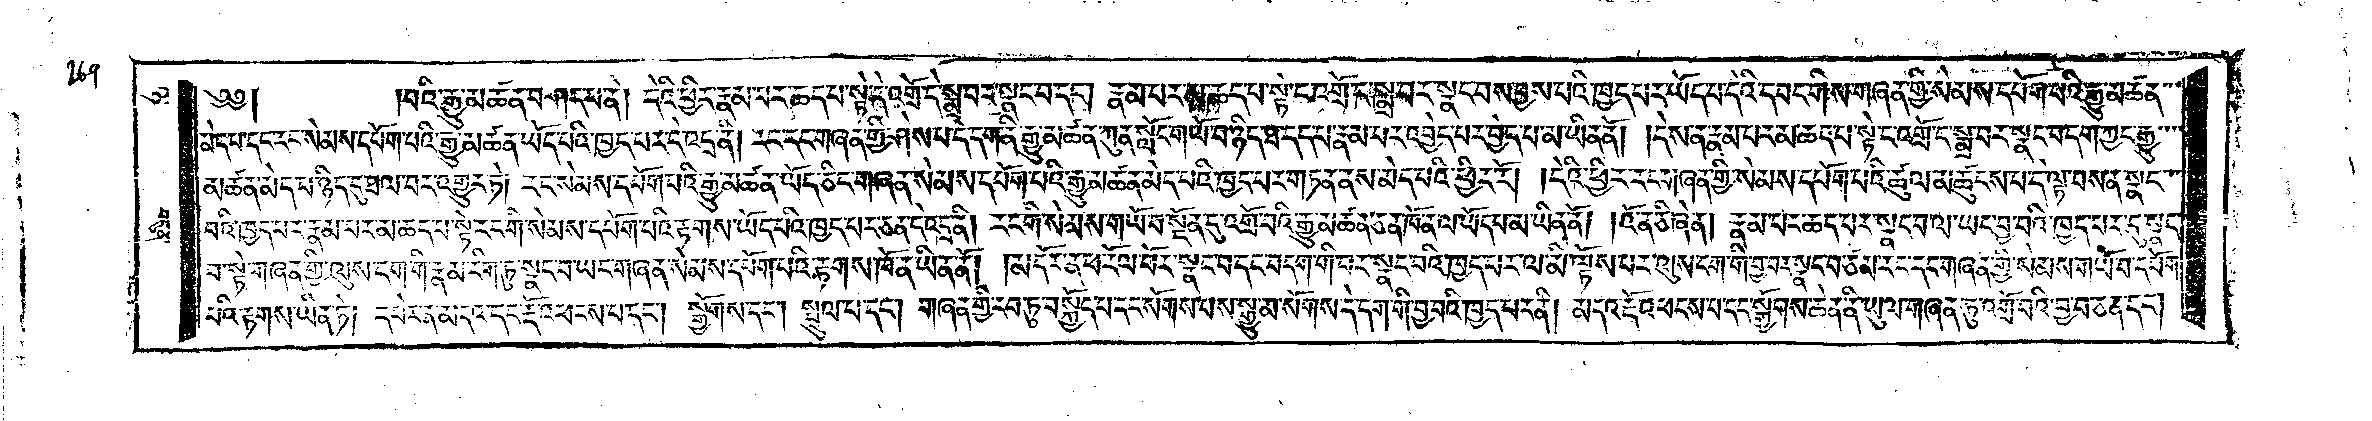༄༅། །བའི་རྒྱུ་མཚན་བཤད་པ་ནེ། དེའི་ཕྱིར་རྣམ་པར་ཆད་པ་སྟེ་དེ་འགྲོ་དེ་སྨྲ་བར་སྣང་བ་དང་། རྣམ་པར་མ་ཆད་པ་སྟེ་ང་འགྲོ་ང་སྨྲ་བར་སྣང་བས་བྱས་པའི་ཁྱད་པར་ཡོད་པ་དེའི་དབང་གིས་གཞན་གྱི་སེམས་དཔོག་པའི་རྒྱུ་མཚན་
མེད་པ་དང་རང་སེམས་དཔོག་པའི་རྒྱུ་མཚན་ཡོད་པའི་ཁྱད་པར་དེ་འདྲ་ནི། རང་དང་གཞན་གྱི་ཤེས་པ་དེ་དག་ནི་རྒྱུ་མཚན་ཀུན་སློང་གཡོ་བ་ཉིད་ཐ་དད་པ་རྣམ་པར་འབྱེད་པར་བྱེད་པ་མ་ཡིན་ནོ། །དེས་ན་རྣམ་པར་མ་ཆད་པ་སྟེང་འགྲོ་ང་སྨྲ་བར་སྣང་བདག་ཀྱང་རྒྱུ་
མཚན་མེད་པ་ཉིད་དུ་ཐལ་བར་འགྱུར་ཏེ། རང་སེམས་དཔོག་པའི་རྒྱུ་མཚན་ཡོད་ཅིང་གཞན་སེམས་དཔོག་པའི་རྒྱུ་མཚན་མེད་པའི་ཁྱད་པར་གཏན་ནས་མེད་པའི་ཕྱིར་རོ། །དེའི་ཕྱིར་རང་གཞན་གྱི་སེམས་དཔོག་པའི་ཚུལ་མཚུངས་པ་དེ་ལྟ་བས་ན་སྣང་
བའི་ཁྱད་པར་རྣམ་པར་མ་ཆད་པ་སྟེ་རང་གི་སེམས་དཔོག་པའི་རྟགས་ཡོད་པའི་ཁྱད་པར་ཅན་དེ་འདྲ་ནི། རང་གི་སེམས་གཡོ་བ་སྔོན་དུ་འགྲོ་བའི་རྒྱུ་མཚན་ཅན་ཁོ་ན་ལ་ཡོད་པ་མ་ཡིན་ནོ། །འོ་ན་ཅི་ཞེ་ན། རྣམ་པར་ཆད་པར་སྣང་བ་ལ་ཡང་བྱ་བའི་ཁྱད་པར་དུ་སྣང་
བ་སྟེ་གཞན་གྱི་ལུས་ངག་གི་རྣམ་རིག་ཏུ་སྣང་བ་ཡང་གཞན་སེམས་དཔོག་པའི་རྟགས་ཁོ་ན་ཡིན་ནོ། །མདོར་ན་ཕ་རོལ་བོར་སྣང་བ་དང་བདག་གི་བར་སྣང་བའི་ཁྱད་པར་ལ་མི་ལྟོས་པར་ལུས་ངག་གི་བྱ་བར་སྣང་བ་ཙམ་རང་དང་གཞན་གྱི་སེམས་གཡོ་བ་དཔོག་
པའི་རྟགས་ཡིན་ཏེ། དཔེར་ན་མདའ་དང་རྡོ་འཕངས་པ་དང་། སྒྱོགས་དང་། སྤྲུལ་པ་དང་། གཞན་གྱི་རབ་ཏུ་བསྐྱོད་པ་དང་སོགས་པས་སྒྱུ་མ་སོགས་དེ་དག་གི་བྱ་བའི་ཁྱད་པར་ནི། མདའ་རྡོ་འཕངས་པ་དང་སྒྱོགས་ཆེན་ནི་ཡུལ་གཞན་ཏུ་འགྲོ་བའི་བྱ་བ་ཅན་དང་།